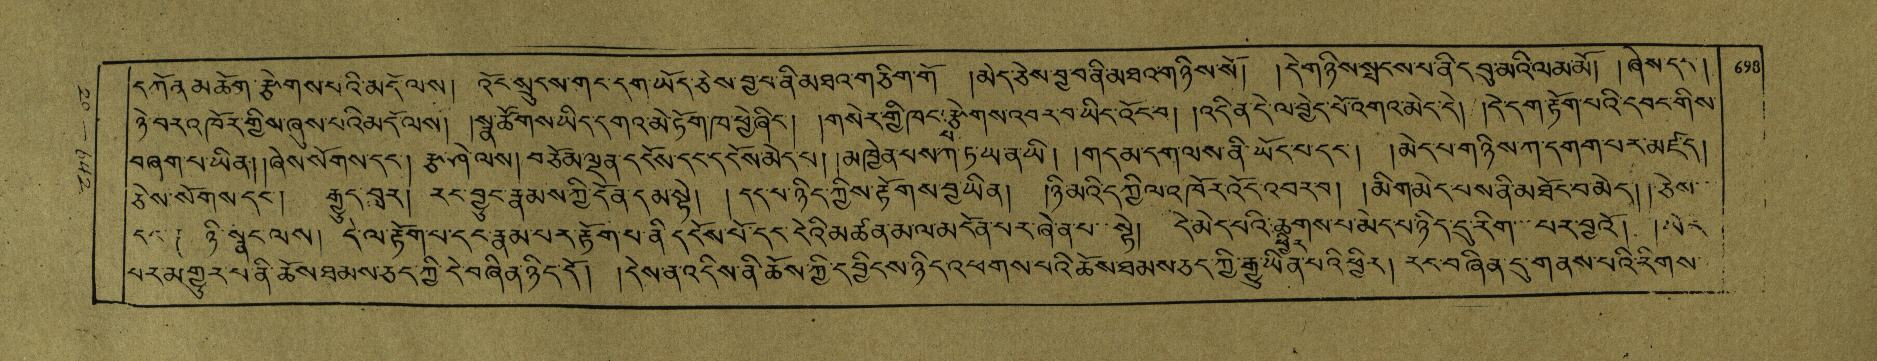དཀོན་མཆོག་རྩེགས་པའི་མདོ་ལས། འོང་སྲུངས་གང་དག་ཡོད་ཅེས་བྱ་བ་ནི་མཐའ་གཅིག་གོ །མེད་ཅེས་བྱ་བ་ནི་མཐའ་གཉིས་སོ། །དེ་གཉིས་སྤངས་པ་ནི་དབུ་མའི་ལམ་མོ། །ཞེས་དང་།
ཉེ་བར་འཁོར་གྱིས་ཞུས་པའི་མདོ་ལས། །སྣ་ཚོགས་ཡིད་དགའ་མེ་ཏོག་ཁ་ཕྱེ་ཞིང་། །གསེར་གྱི་ཁང་བ་རྩེགས་འབར་བ་ཡིད་འོང་བ། །འདི་ན་དེ་ལ་བྱེད་པོ་འགའ་མེད་དེ། །དེ་དག་རྟོག་པའི་དབང་གིས་
བཞག་པ་ཡིན། །ཞེས་སོགས་དང་། རྩ་ཤེ་ལས། བཅོམ་ལྡན་དངོས་དང་དངོས་མེད་པ། །མཁྱེན་པས་ཀ་ཏ་ཡ་ན་ཡི། །གདམ་དག་ལས་ནི་ཡོད་པ་དང་། །མེད་པ་གཉིས་ཀ་དགག་པར་མཛད།
ཅེས་སོགས་དང་། རྒྱུད་བླར། རང་བྱུང་རྣམས་ཀྱི་དོན་དམ་སྟེ། །དད་པ་ཉིད་ཀྱིས་རྟོགས་བྱ་ཡིན། །ཉི་མའི་དཀྱིལ་འཁོར་འོད་འབར་བ། །མིག་མེད་པས་ནི་མཐོང་བ་མེད། །ཅེས་
དང༑ ཉི་སྣང་ལས། དེ་ལ་རྟོགས་པ་དང་རྣམ་པར་རྟོག་པ་ནི་དངོས་པོ་དང་དེའི་མཚན་མ་ལ་མངོན་པར་ཞེ་ན་པ་སྟེ། དེ་མེད་པའི་ཕྱིར་ཆགས་པ་མེད་པ་ཉིད་དུ་རིག་པར་བྱའོ། །ཡོད་
པར་མ་གྱུར་པ་ནི་ཆོས་ཐམས་ཅད་ཀྱི་དེ་བཞིན་ཉིད་དོ། །དེས་ན་འདིས་ནི་ཆོས་ཀྱི་དབྱིངས་ཉིད་འཕགས་པའི་ཆོས་ཐམས་ཅད་ཀྱི་རྒྱུ་ཡིན་པའི་ཕྱིར། རང་བཞིན་དུ་གནས་པའི་རིགས་